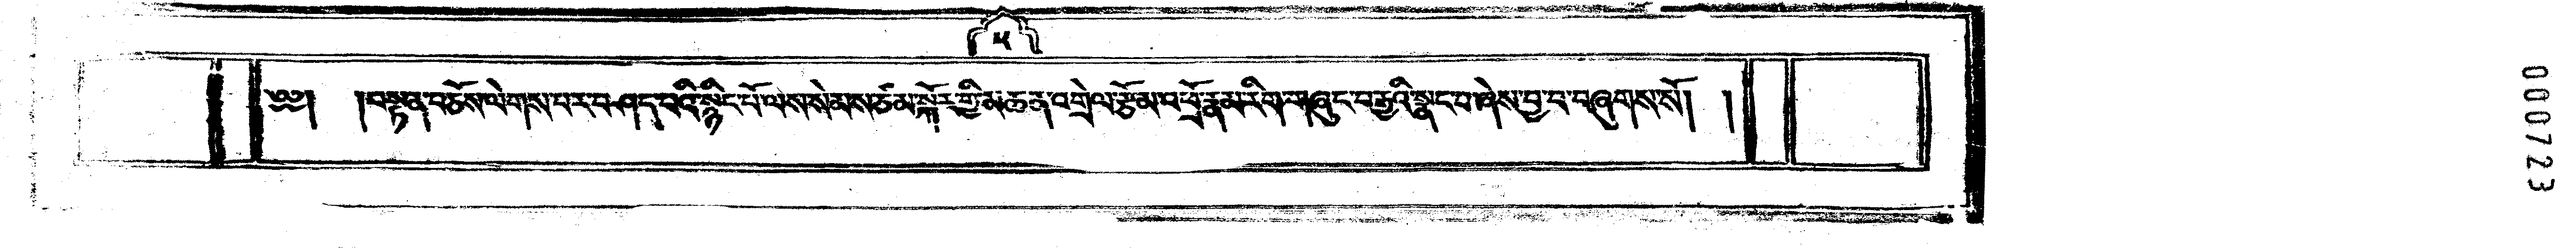༄༅། །བསྟན་བཅོས་ལེགས་པར་བཤད་པའི་སྙིང་པོ་ལས་སེམས་ཙམ་སྐོར་གྱི་མཆན་འགྲེལ་རྩོམ་འཕྲོ་རྣམ་རིག་གཞུང་བརྒྱའི་སྣང་བ་ཞེས་བྱ་བ་བཞུགས་སོ། །